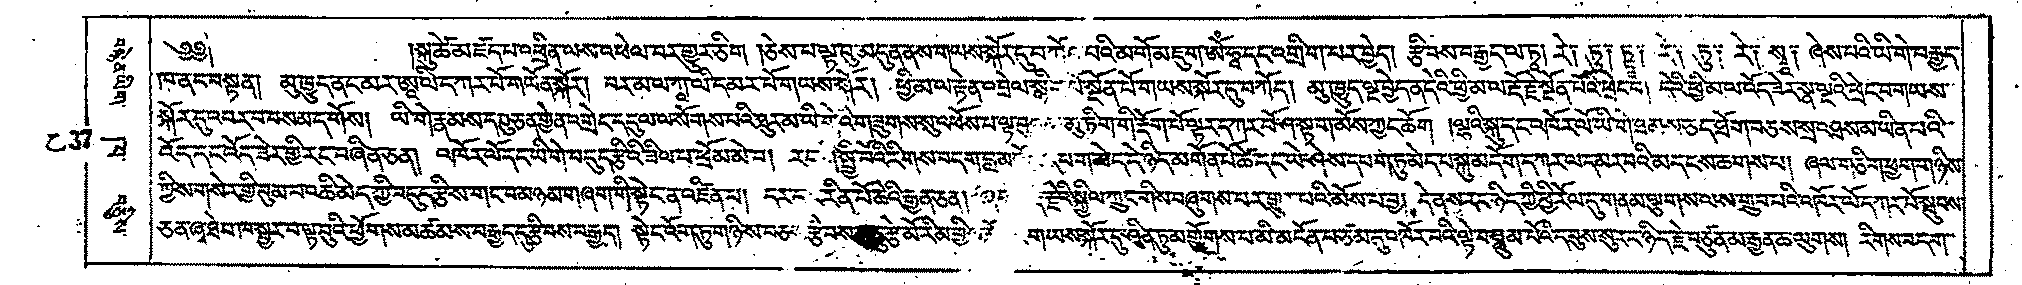༄༅། །སྐུ་ཚེ་མཛད་པ་འཕྲིན་ལས་འཕེལ་བར་གྱུར་ཅིག །ཅེས་པ་ལྟ་བུ་མདུན་ནས་གཡས་སྐོར་དུ་བཀོད་པའི་མགོ་མཇུག་ཨོཾ་ཧཱ་དང་འགྲིག་པར་བྱེད། རྩིབས་བརྒྱད་ལ་ཏཱ། རེ༑ ཏུ༑ ཏྟཱ༑ རེ་ཏུ༑ རེ༑ སྭཱ༑ ཞེས་པའི་ཡི་གེ་བརྒྱད་
ཁ་ནང་བསྟན། མུ་ཁྱུད་ནང་མར་ཨཱ་ལི་དཀར་པོ་གཡོན་སྐོར། བར་མ་ལ་ཀཱ་ལི་དམར་པོ་གཡས་སྐོར། ཕྱི་མ་ལ་རྟེན་འབྲེལ་སྙིང་པོ་སྔོན་པོ་གཡས་སྐོར་དུ་བཀོད། མུ་ཁྱུད་ལྔ་བྱེད་ན་དེའི་ཕྱི་མ་ལ་རྡོ་རྗེ་སྔོན་པོའི་ཕྲེང་བ། དེའི་ཕྱི་མ་ལ་འོད་ཟེར་སྣ་ལྔའི་ཕྲེང་བ་གཡས་་་
སྐོར་དུ་འབར་བ་བསམ་དགོས། ཡི་གེ་རྣམས་དབུ་ཅན་གྱེན་འགྲེང་དངུལ་ལ་སོགས་པའི་ཐུར་མ་ཡི་གེའི་གཟུགས་སུ་འཕོས་པ་ལྟ་བུའམ་མུ་ཏིག་གི་རྡོག་པོ་ལྟར་དཀར་པོ་ཤ་སྟག་མོས་ཀྱང་ཆོག །ལྷའི་སྐུ་དང་འཁོར་ལོ་ཡི་གེ་ཐམས་ཅད་ཐོག་བཅས་སྲ་འཐས་མ་ཡིན་པའི་་་
འོད་དང་འོད་ཟེར་གྱི་རང་བཞིན་ཅན། འཁོར་ལོ་དང་ཡི་གེ་བདུད་རྩིའི་ཟིལ་པ་ཕྲོམ་མེ་བ། རང་གི་སྤྱི་བོའི་རིགས་བདག་བླ་མ་འོད་དཔག་མེད་དེ་ཉིད་མགོན་པོ་ཚེ་དང་ཡེ་ཤེས་དཔག་ཏུ་མེད་པ་སྐུ་མདོག་དཀར་ལ་དམར་བའི་མདངས་ཆགས་པ། ཞལ་གཅིག་ཕྱག་གཉིས་
ཀྱིས་གསེར་གྱི་བུམ་པ་འཆི་མེད་ཀྱི་བདུད་རྩིས་གང་བ་མཉམ་གཞག་གི་སྟེང་ན་འཛིན་པ། དར་དང་རིན་པོ་ཆེའི་རྒྱན་ཅན། ཞབས་རྡོ་རྗེའི་སྐྱིལ་ཀྲུང་གིས་བཞུགས་པར་གྱུར་པའི་མོས་པ་བྱ། དེ་ནས་རང་ཉིད་ཀྱི་ཕྱི་རོལ་དུ་གནམ་ལྕགས་ལས་གྲུབ་པའི་འཁོར་ལོ་དཀར་པོ་སྦུབས་
ཅན་ཞྭ་ཐེབ་ཁ་སྦྱར་བ་ལྟ་བུའི་ཕྱོགས་མཚམས་བརྒྱད་དུ་རྩིབས་བརྒྱད། སྟེང་འོག་ཏུ་གཉིས་བཅས་རྩིབས་བཅུ་རྩེ་མོ་རིམ་གྱིས་རྡོར?་དང་གཡས་སྐོར་དུ་ཤིན་ཏུ་མགྱོགས་པ་མི་མངོན་པ་ཙམ་དུ་འཁོར་བའི་ལྟེ་བ་ཟླུམ་པོའི་དབུས་སུ་རང་ཉིད་རྗེ་བཙུན་མ་རྒྱན་ཆ་ལུགས། རིགས་བདག་་་